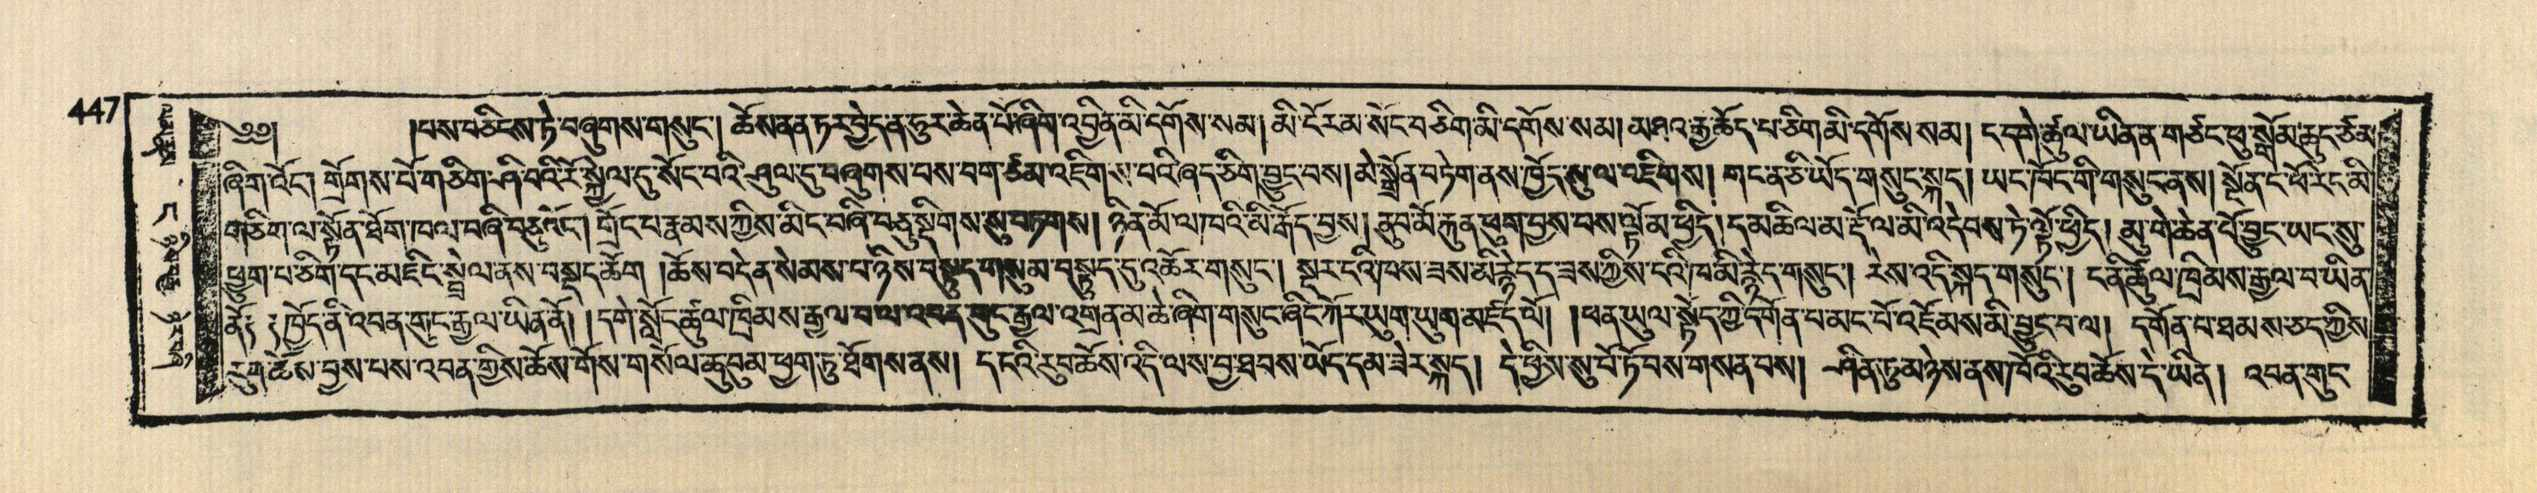༄༅། །པས་བཅིངས་ཏེ་བཞུགས་གསུང་། ཆོས་ནན་ཏར་བྱེད་ན་ཧུར་ཆེན་པོ་ཞིག་འབྱིན་མི་དགོས་སམ། མི་ངོར་མ་སོང་བཅིག་མི་དགོས་སམ། མཐའ་རྒྱ་ཆོད་པ་ཅིག་མི་དགོས་སམ། ང་དགེ་ཚུལ་ཡིན་ན་གཙང་ཕུ་སྒོམ་ཆུང་ཙམ་
ཞིག་འོང་། གྲོགས་པོ་གཅིག་ཤི་བའི་རོ་སྐྱེལ་དུ་སོང་བའི་ཤུལ་དུ་བཞུགས་བས་བག་ཙམ་འཇིགས་པའི་ཞད་ཅིག་བྱུང་བས། མེ་སྒྲོན་བཏེག་ནས་ཁྱོད་སུ་ལ་འཇིགས། གང་ན་ཅི་ཡོད་གསུང་སྐད། ཡང་ཁོང་གི་གསུང་ནས། སྔོན་ང་ཕོ་རང་མི་
གཅིག་ལ་སྟོན་ཐོག་ཁལ་བཞི་བཅུའོང་། གྲོང་པ་རྣམས་ཀྱིས་མིང་བཞི་བཅུ་སྡིགས་སུ་བཏགས། ཉིན་མོ་ལ་ཁའི་མི་རྒོད་བྱས། ནུབ་མོ་རྐུན་ཕུག་བྱས་བས་ལྟོ་མ་ཕྱིད། ད་མཆིལ་མ་རྡོ་ལ་མི་འདེབས་ཏེ་ལྟོ་ཕྱིད། མུ་གེ་ཆེན་པོ་བྱུང་ཡང་སུ་
ཕྱུག་པ་ཅིག་དང་མཇིང་སྦྲེལ་ནས་བསྡད་ཆོག །ཆོས་བདེན་སེམས་པ་ཉིས་བསྟུད་གསུམ་བསྟུད་དུ་འཆོར་གསུང་། སྔར་ངའི་ཁས་ཟས་མི་རྙེད་ད་ཟས་ཀྱིས་ངའི་ཁ་མི་རྙེད་གསུང་། རེས་འདི་སྐད་གསུང་། ང་ནི་ཚུལ་ཁྲིམས་རྒྱལ་བ་ཡིན་
ནོ༑ ༑ཁྱོད་ནི་འབན་གུང་རྒྱལ་ཡིན་ནོ། །དགེ་སློང་ཚུལ་ཁྲིམས་རྒྱལ་བ་ལ་འབན་གུང་རྒྱལ་འགྲན་མ་ཆེ་ཞིག་གསུང་ཞིང་ཀོར་ཡུག་ཡུག་མཛད་ལོ། །ཕན་ཡུལ་སྟོད་ཀྱི་དགོན་བ་མང་པོ་འཇོམས་མི་བྱུང་བ་ལ། དགོན་པ་ཐམས་ཅད་ཀྱིས་
རུག་ཆོས་བྱས་པས་འབན་གྱིས་ཆོས་གོས་གསོལ་ཆུ་བུམ་ཕྱག་ཏུ་ཐོགས་ནས། ད་ངའི་རུབ་ཆོས་འདི་ལས་བྱ་ཐབས་ཡོད་དམ་ཟེར་སྐད། དེ་ཕྱིས་སུ་པོ་ཏོ་བས་གསན་བས། ཤིན་ཏུ་མཉེས་ནས་ཁོའི་རུབ་ཆོས་དེ་ཡིན། འབན་གུང་